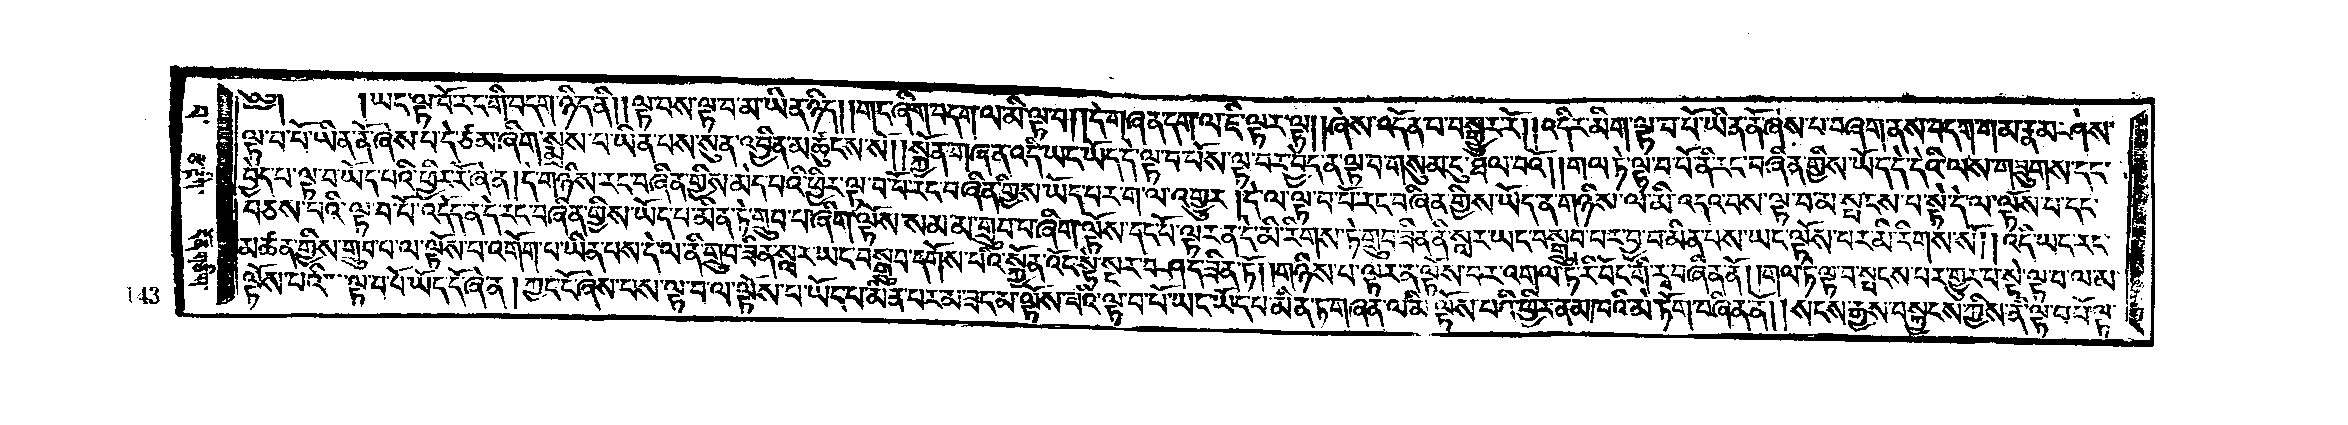༄༅། །ཡང་ལྟ་བོ་རང་གི་བདག་ཉིད་ནི། །ལྟ་བས་ལྟ་བ་མ་ཡིན་ཉིད། །གང་ཞིག་བདག་ལ་མི་ལྟ་བ། །དེ་གཞན་དག་ལ་ཇི་ལྟར་ལྟ། །ཞེས་འདོན་པ་བསྒྱུར་རོ། །འདིར་མིག་ལྟ་བ་པོ་ཡིན་ནོ་ཞེས་པ་བཞག་ནས་བདག་གམ་རྣམ་ཤེས་
ལྟ་བ་པོ་ཡིན་ནོ་ཞེས་པ་དེ་ཙམ་ཞིག་སྨྲས་པ་ཡིན་པས་སུན་འབྱིན་མཚུངས་སོ། །སྐྱོན་གཞན་འདི་ཡང་ཡོད་དེ་ལྟ་བ་པོས་ལྟ་བར་བྱེད་ན་ལྟ་བ་གསུམ་དུ་ཐལ་བའོ། །གལ་ཏེ་ལྟ་བ་པོ་ནི་རང་བཞིན་གྱིས་ཡོད་དེ་དེའི་ལས་གཟུགས་དང་
བྱེད་པ་ལྟ་བ་ཡོད་པའི་ཕྱིར་རོ་ཞེ་ན། དེ་གཉིས་རང་བཞིན་གྱིས་མེད་པའི་ཕྱིར་ལྟ་བ་པོ་རང་བཞིན་གྱིས་ཡོད་པར་ག་ལ་འགྱུར་།དེ་ལ་ལྟ་བ་པོ་རང་བཞིན་གྱིས་ཡོད་ན་གཉིས་ལ་མི་འདའ་བས་ལྟ་བ་མ་སྤངས་པ་སྟེ་དེ་ལ་ལྟོས་པ་དང་
བཅས་པའི་ལྟ་བ་པོ་འདོད་ན་དེ་རང་བཞིན་གྱིས་ཡོད་པ་མིན་ཏེ་གྲུབ་པ་ཞིག་ལྟོས་སམ་མ་གྲུབ་པ་ཞིག་ལྟོས་དང་པོ་ལྟར་ན་དེ་མི་རིགས་ཏེ་གྲུབ་ཟིན་ནི་སླར་ཡང་བསྒྲུབ་པར་བྱ་བ་མིན་པས་ཡང་ལྟོས་པར་མི་རིགས་སོ། །འདི་ཡང་རང་
མཚན་གྱིས་གྲུབ་པ་ལ་ལྟོས་པ་འགོག་པ་ཡིན་པས་དེ་ལ་ནི་གྲུབ་ཟིན་སླར་ཡང་བསྒྲུབ་དགོས་པའི་སྐྱོན་འོང་སྟེ་སྔར་བཤད་ཟིན་ཏོ། །གཉིས་པ་ལྟར་ན་ལྟོས་པར་འགལ་ཏེ་རི་བོང་གི་རྭ་བཞིན་ནོ། །གལ་ཏེ་ལྟ་བ་སྤངས་པར་གྱུར་པ་སྟེ་ལྟ་བ་ལ་མ་
ལྟོས་པའི་ལྟ་བ་པོ་ཡོད་དོ་ཞེ་ན། ཀྱང་ངོ་ཞེས་པས་ལྟ་བ་ལ་ལྟོས་པ་ཡོད་པ་མིན་པར་མ་ཟད་མ་ལྟོས་པའི་ལྟ་བ་པོ་ཡང་ཡོད་པ་མིན་ཏ་གཞན་ལ་མི་ལྟོས་པའི་ཕྱིར་ནམཁའི་མེ་ཏོག་བཞིན་ནོ། །སངས་རྒྱས་བསྐྱངས་ཀྱིས་ནི་ལྟ་བ་པོ་ལྟ་